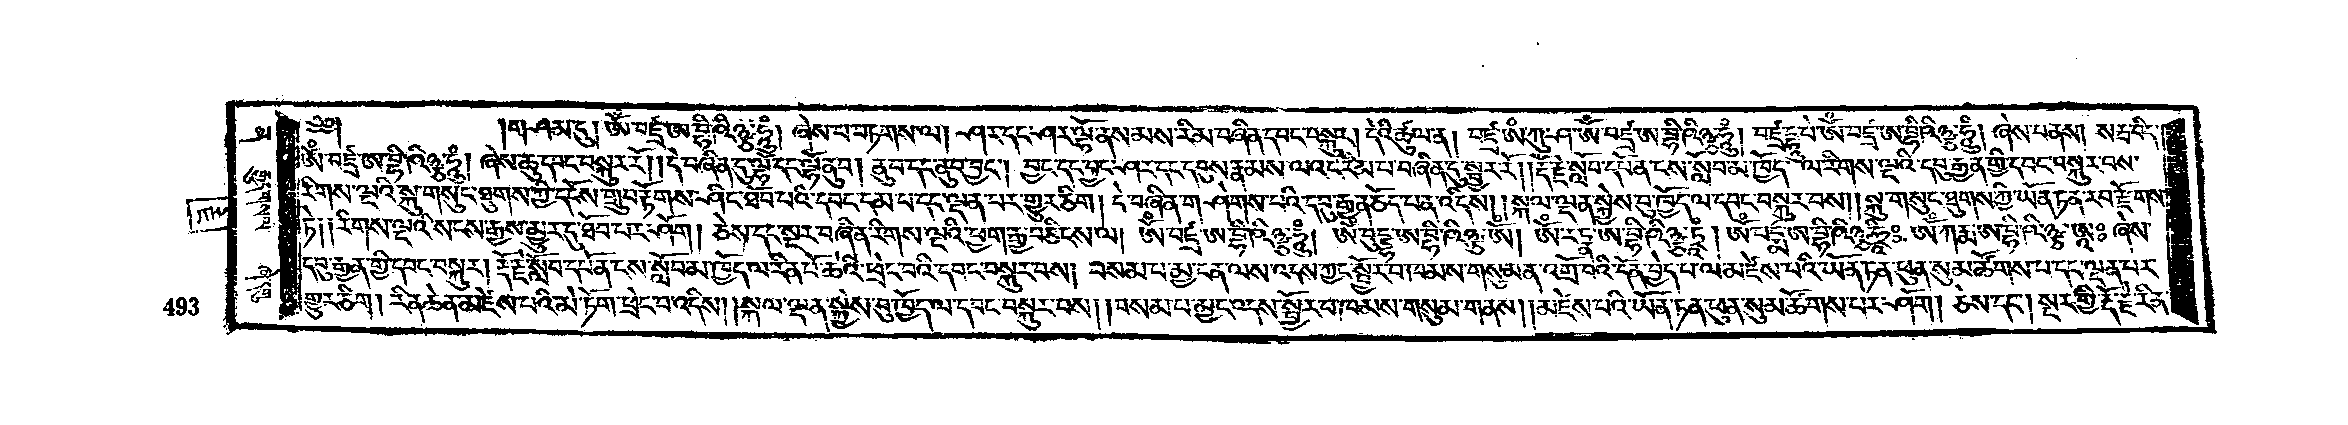༄༅། །གཤམ་དུ། ཨོཾ་བཛྲ་ཨ་བྷི་ཥིཉྩ་ཧཱུཾ། ཞེས་པ་བཏགས་ལ། ཤར་དང་ཤར་ལྷོ་ནས་མས་རིམ་བཞིན་དབང་བསྐུར། དེའི་ཚུལ་ནི། བཛྲ་ཨོཾ་ཀུ་ཤ་ཨོཾ་བཛྲ་ཨ་བྷི་ཥིཉྩ་ཧཱུཾ། བཛྲ་དྷཱུ་པེ་ཨོཾ་བཛྲ་ཨ་བྷི་ཥིཉྩ་ཧཱུཾ། ཞེས་པ་ནས། སརྦ་བིད་
ཨོཾ་བཛྲ་ཨ་བྷི་ཥིཉྩ་ཧཱུཾ། ཞེས་ཆུ་དབང་བསྐུར་རོ། །དེ་བཞིན་དུ་ལྷོ་དང་ལྷོ་ནུབ། ནུབ་དང་ནུབ་བྱང་། བྱང་དང་བྱང་ཤར་དང་དབུས་རྣམས་ལའང་རིམ་པ་བཞིན་དུ་སྦྱར་རོ། །རྡོ་རྗེ་སློབ་དཔོན་ངས་སློབ་མ་ཁྱོད་ལ་རིགས་ལྔའི་དབུ་རྒྱན་གྱི་དབང་བསྐུར་བས་
རིགས་ལྔའི་སྐུ་གསུང་ཐུགས་ཀྱི་དངོས་གྲུབ་རྟོགས་ཤིང་ཐོབ་པའི་དབང་དམ་པ་དང་ལྡན་པར་གྱུར་ཅིག །དེ་བཞིན་གཤེགས་པའི་དབུ་རྒྱུན་ཅོད་པ་ན་འདིས། །སྐལ་ལྡན་སྐྱེས་བུ་ཁྱོད་ལ་དབང་བསྐུར་བས། །སྐུ་གསུང་ཐུགས་ཀྱི་ཡོན་ཏན་རབ་རྫོགས་
ཏེ། །རིགས་ལྔའི་སངས་རྒྱས་མྱུར་དུ་ཐོབ་པར་ཤོག །ཅེས་དང་སྔར་བཞིན་རིགས་ལྔའི་ཕྱག་རྒྱ་བཅིངས་ལ། ཨོཾ་བཛྲ་ཨ་བྷི་ཥིཉྩ་ཧཱུཾ། ཨོཾ་བུདྡྷ་ཨ་བྷི་ཥིཉྩ་ཨོཾ། ཨོཾ་རཏྣ་ཨ་བྷི་ཥིཉྩ་ཏྲཱཾ། ཨོཾ་པདམ་ཨ་བྷི་ཥིཉྩ་ཧྲཱིཿ ཨོཾ་ཀརྨ་ཨ་བྷི་ཥིཉྩ་ཨཱཿ ཞེས་
དབུ་རྒྱན་གྱི་དབང་བསྐུར། རྡོ་རྗེ་སློབ་དཔོན་ངས་སློབ་མ་ཁྱོད་ལ་རིན་པོ་ཆེའི་ཕྲེང་བའི་དབང་བསྐུར་བས། བསམ་པ་མྱ་ངན་ལས་འདས་ཀྱང་སྦྱོར་བ་ཁམས་གསུམ་ན་འགྲོ་བའི་དོན་བྱེད་པ་ལ་མཛེས་པའི་ཡོན་ཏན་ཕུན་སུམ་ཚོགས་པ་དང་ལྡན་པར་
གྱུར་ཅིག །རིན་ཆེན་མཛེས་པའི་མེ་ཏོག་ཕྲེང་བ་འདིས། །སྐལ་ལྡན་སྐྱེས་བུ་ཁྱེད་ལ་དབང་བསྐུར་བས། །བསམ་པ་མྱང་འདས་སྦྱོར་བ་ཁམས་གསུམ་གནས། །མཛེས་པའི་ཡོན་ཏན་ཕུན་སུམ་ཚོགས་པར་ཤོག །ཅེས་དང་། སྔར་གྱི་རྡོ་རྗེ་རིན་